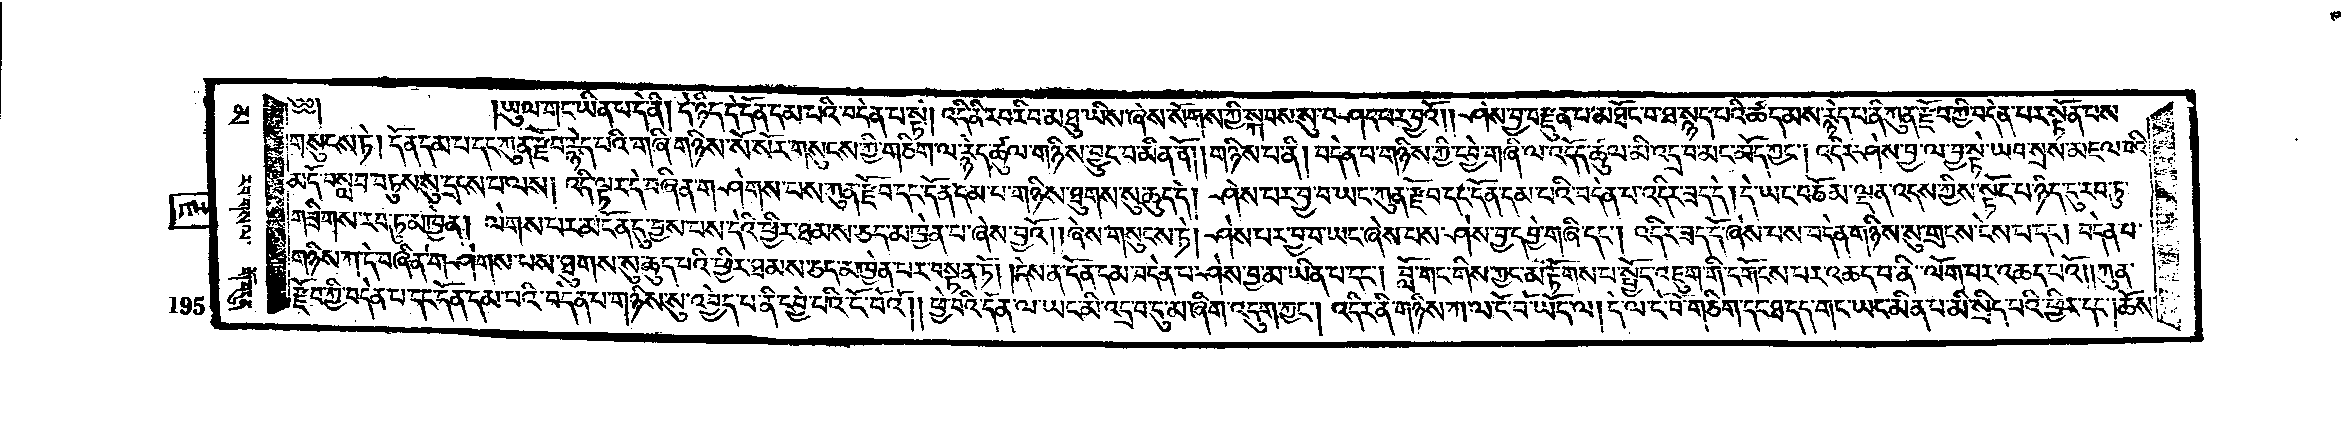༄༅། །ཡུལ་གང་ཡིན་པ་དེ་ནི། དེ་ཉིད་དེ་དོན་དམ་པའི་བདེན་པ་སྟེ། འདི་ནི་རབ་རིབ་མཐུ་ཡིས་ཞེས་སོགས་ཀྱི་སྐབས་སུ་བཤད་པར་བྱའོ། །ཤེས་བྱ་བརྫུན་པ་མཐོང་བ་ཐ་སྙད་པའི་ཚད་མས་རྙེད་པ་ནི་ཀུན་རྫོབ་ཀྱི་བདེན་པར་སྟོན་པས་
གསུངས་ཏེ། དོན་དམ་པ་དང་ཀུན་རྫོབ་རྙེད་པའི་གཞི་གཉིས་སོ་སོར་གསུངས་ཀྱི་གཅིག་ལ་རྙེད་ཚུལ་གཉིས་བྱུང་བ་མིན་ནོ། །གཉིས་པ་ནི། བདེན་པ་གཉིས་ཀྱི་དབྱེ་གཞི་ལ་འདོད་ཚུལ་མི་འདྲ་བ་མང་མོད་ཀྱང་། འདིར་ཤེས་བྱ་ལ་བྱ་སྟེ་ཡབ་སྲས་མཇལ་བའི་
མདོ་བསླབ་བཏུས་སུ་དྲངས་པ་ལས། འདི་ལྟར་དེ་བཞིན་གཤེགས་པས་ཀུན་རྫོབ་དང་དོན་དམ་པ་གཉིས་ཐུགས་སུ་ཆུད་དེ། ཤེས་པར་བྱ་བ་ཡང་ཀུན་རྫོབ་དང་དོན་དམ་པའི་བདེན་པ་འདིར་ཟད་དེ། དེ་ཡང་བཅོམ་ལྡན་འདས་ཀྱིས་སྟོང་པ་ཉིད་དུ་རབ་ཏུ་
གཟིགས་རབ་ཏུ་མཁྱེན། ལེགས་པར་མངོན་དུ་བྱས་པས་དེའི་ཕྱིར་ཐམས་ཅད་མཁྱེན་པ་ཞེས་བྱའོ། །ཞེས་གསུངས་ཏེ། ཤེས་པར་བྱ་བ་ཡང་ཞེས་པས་ཤེས་བྱ་དབྱེ་གཞི་དང་། འདིར་ཟད་དོ་ཞེས་པས་བདེན་གཉིས་སུ་གྲངས་ངེས་པ་དང་། བདེན་པ་
གཉིས་ཀ་དེ་བཞིན་གཤེགས་པས་ཐུགས་སུ་ཆུད་པའི་ཕྱིར་ཐམས་ཅད་མཁྱེན་པར་བསྟན་ཏོ། །དེས་ན་དོན་དམ་བདེན་པ་ཤེས་བྱ་མ་ཡིན་པ་དང་། བློ་གང་གིས་ཀྱང་མ་རྟོགས་པ་སྤྱོད་འཇུག་གི་དགོངས་པར་འཆད་པ་ནི་ལོག་པར་འཆད་པའོ། །ཀུན་
རྫོབ་ཀྱི་བདེན་པ་དང་དོན་དམ་པའི་བདེན་པ་གཉིས་སུ་འབྱེད་པ་ནི་དབྱེ་པའི་ངོ་བོའོ། །ཕྱེ་བའི་དོན་ལ་ཡང་མི་འདྲ་བ་དུ་མ་ཞིག་འདུག་ཀྱང་། འདིར་ནི་གཉིས་ཀ་ལ་ངོ་བོ་ཡོད་ལ། དེ་ལ་ངོ་བོ་གཅིག་དང་ཐ་དད་གང་ཡང་མིན་པ་མི་སྲིད་པའི་ཕྱིར་དང་། ཆོས་